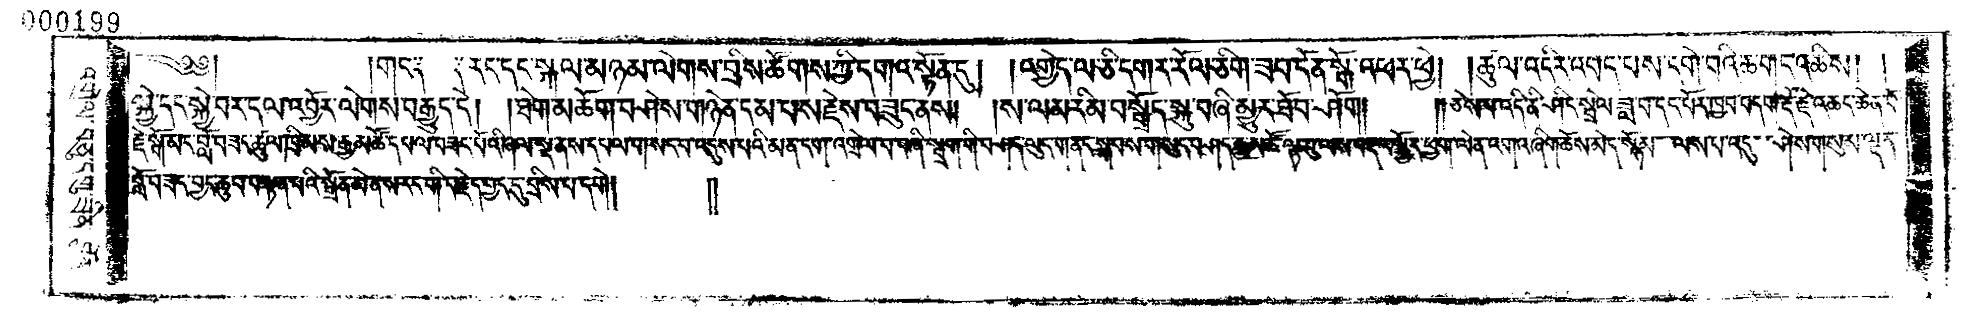༄༅། །གང༑ ༑རང་དང་སྐལ་མཉམ་ལེགས་བྲིས་ཚོགས་ཀྱི་དགའ་སྟོན་དུ། །འགྱེད་ལ་ཅི་དགར་རོལ་ཅིག་ཟབ་དོན་སྒོ་འཕར་ཕྱེ། །ཚུལ་འདིར་འབད་པས་དགེ་བའི་ཆ་གང་འཆིས། །
སྐྱེ་དང་སྐྱེ་བར་དལ་འབྱོར་ལེགས་བརྒྱུད་དེ། །ཐེག་མཆོག་བཤེས་གཉེན་དམ་པས་རྗེས་བཟུང་ནས། །ས་ལམ་རིམ་བསྒྲོད་སྐུ་བཞི་མྱུར་ཐོབ་ཤོག ། །།ཅེས་པ་འདི་ནི་ཤིང་སྤྲེལ་ཟླ་བ་དང་པོར་ཁྱབ་བདག་རྡོ་རྗེ་འཆང་ཆེན་པོ་
རྗེ་སྒོ་མང་བློ་བཟང་ཚུལ་ཁྲིམས་རྒྱ་མཚོ་དཔལ་བཟང་པོའི་ཞལ་སྔ་ནས་དཔལ་གསང་བ་འདུས་པའི་མན་ངག་འགྲེལ་པ་བཞི་སྦྲག་གི་བཤད་ལུང་གནང་སྐབས་གསུང་བཤད་རྒྱ་མཚོ་ལྟ་བུ་ལས་བརྡའ་སྦྱོར་ཕྱག་ལེན་འགའ་ཞིག་ཆོས་མེད་སྙོམ་ལས་པ་འདུ་ཤེས་གསུམ་ལྡན་
བློ་བཟང་བྱང་ཆུབ་བསྟན་པའི་སྒྲོན་མེ་ནས་རང་གི་བརྗེད་བྱང་དུ་བྲིས་པ་དགེ ། །།